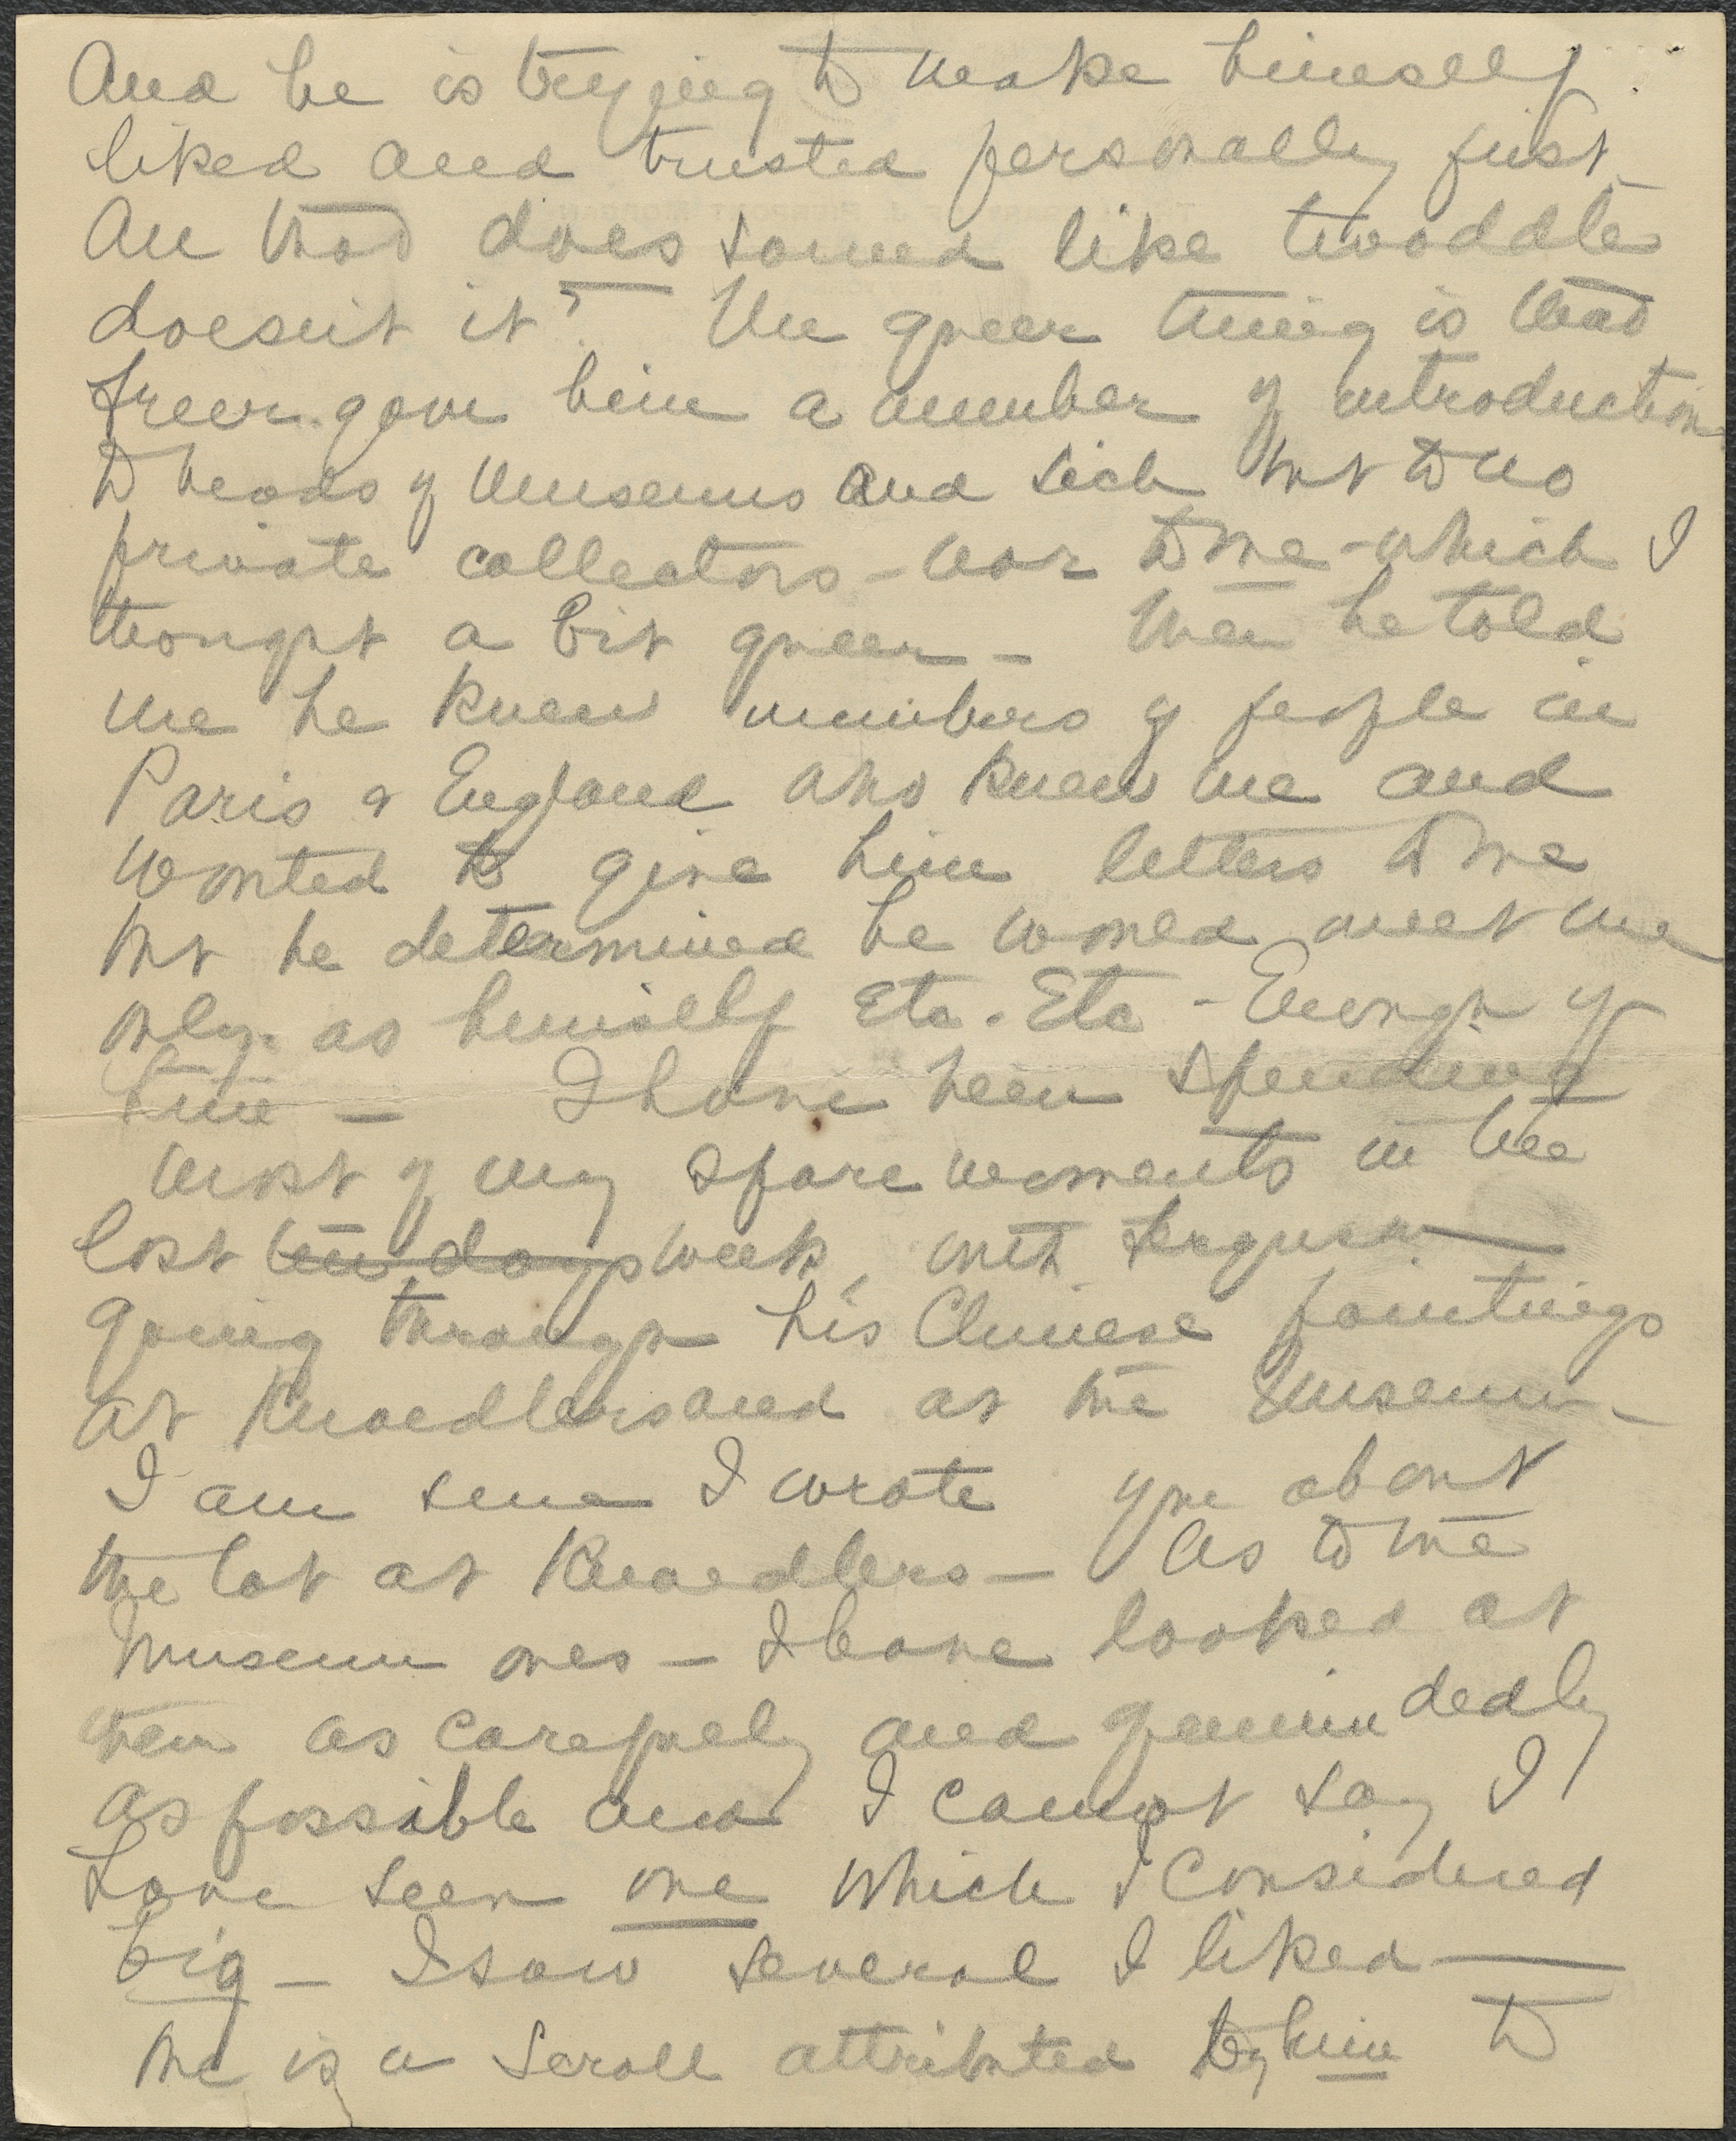and he is trying to make himself liked and trusted personally first all that does sound like twaddle doesn’t it? The queer thing is that Freer gave him a number of introductions to heads of museums and such but to no private collectors – nor to me – which I thought a bit queer – then he told me he knew numbers of people in Paris & England who knew me and wanted to give him letters to me but he determined he would meet me only as himself etc. etc. Enough of that – I have been spending most of my spare moments in the last ten days week with Ferguson going through his Chinese paintings at Knoedlers and at the museum – I am sure I wrote you about the lot at Knoedlers – as to the museum ones – I have looked at them as carefully and openmindedly as possible and I cannot say I have seen one which I considered big – I saw several I liked – one is a scroll attributed by him to